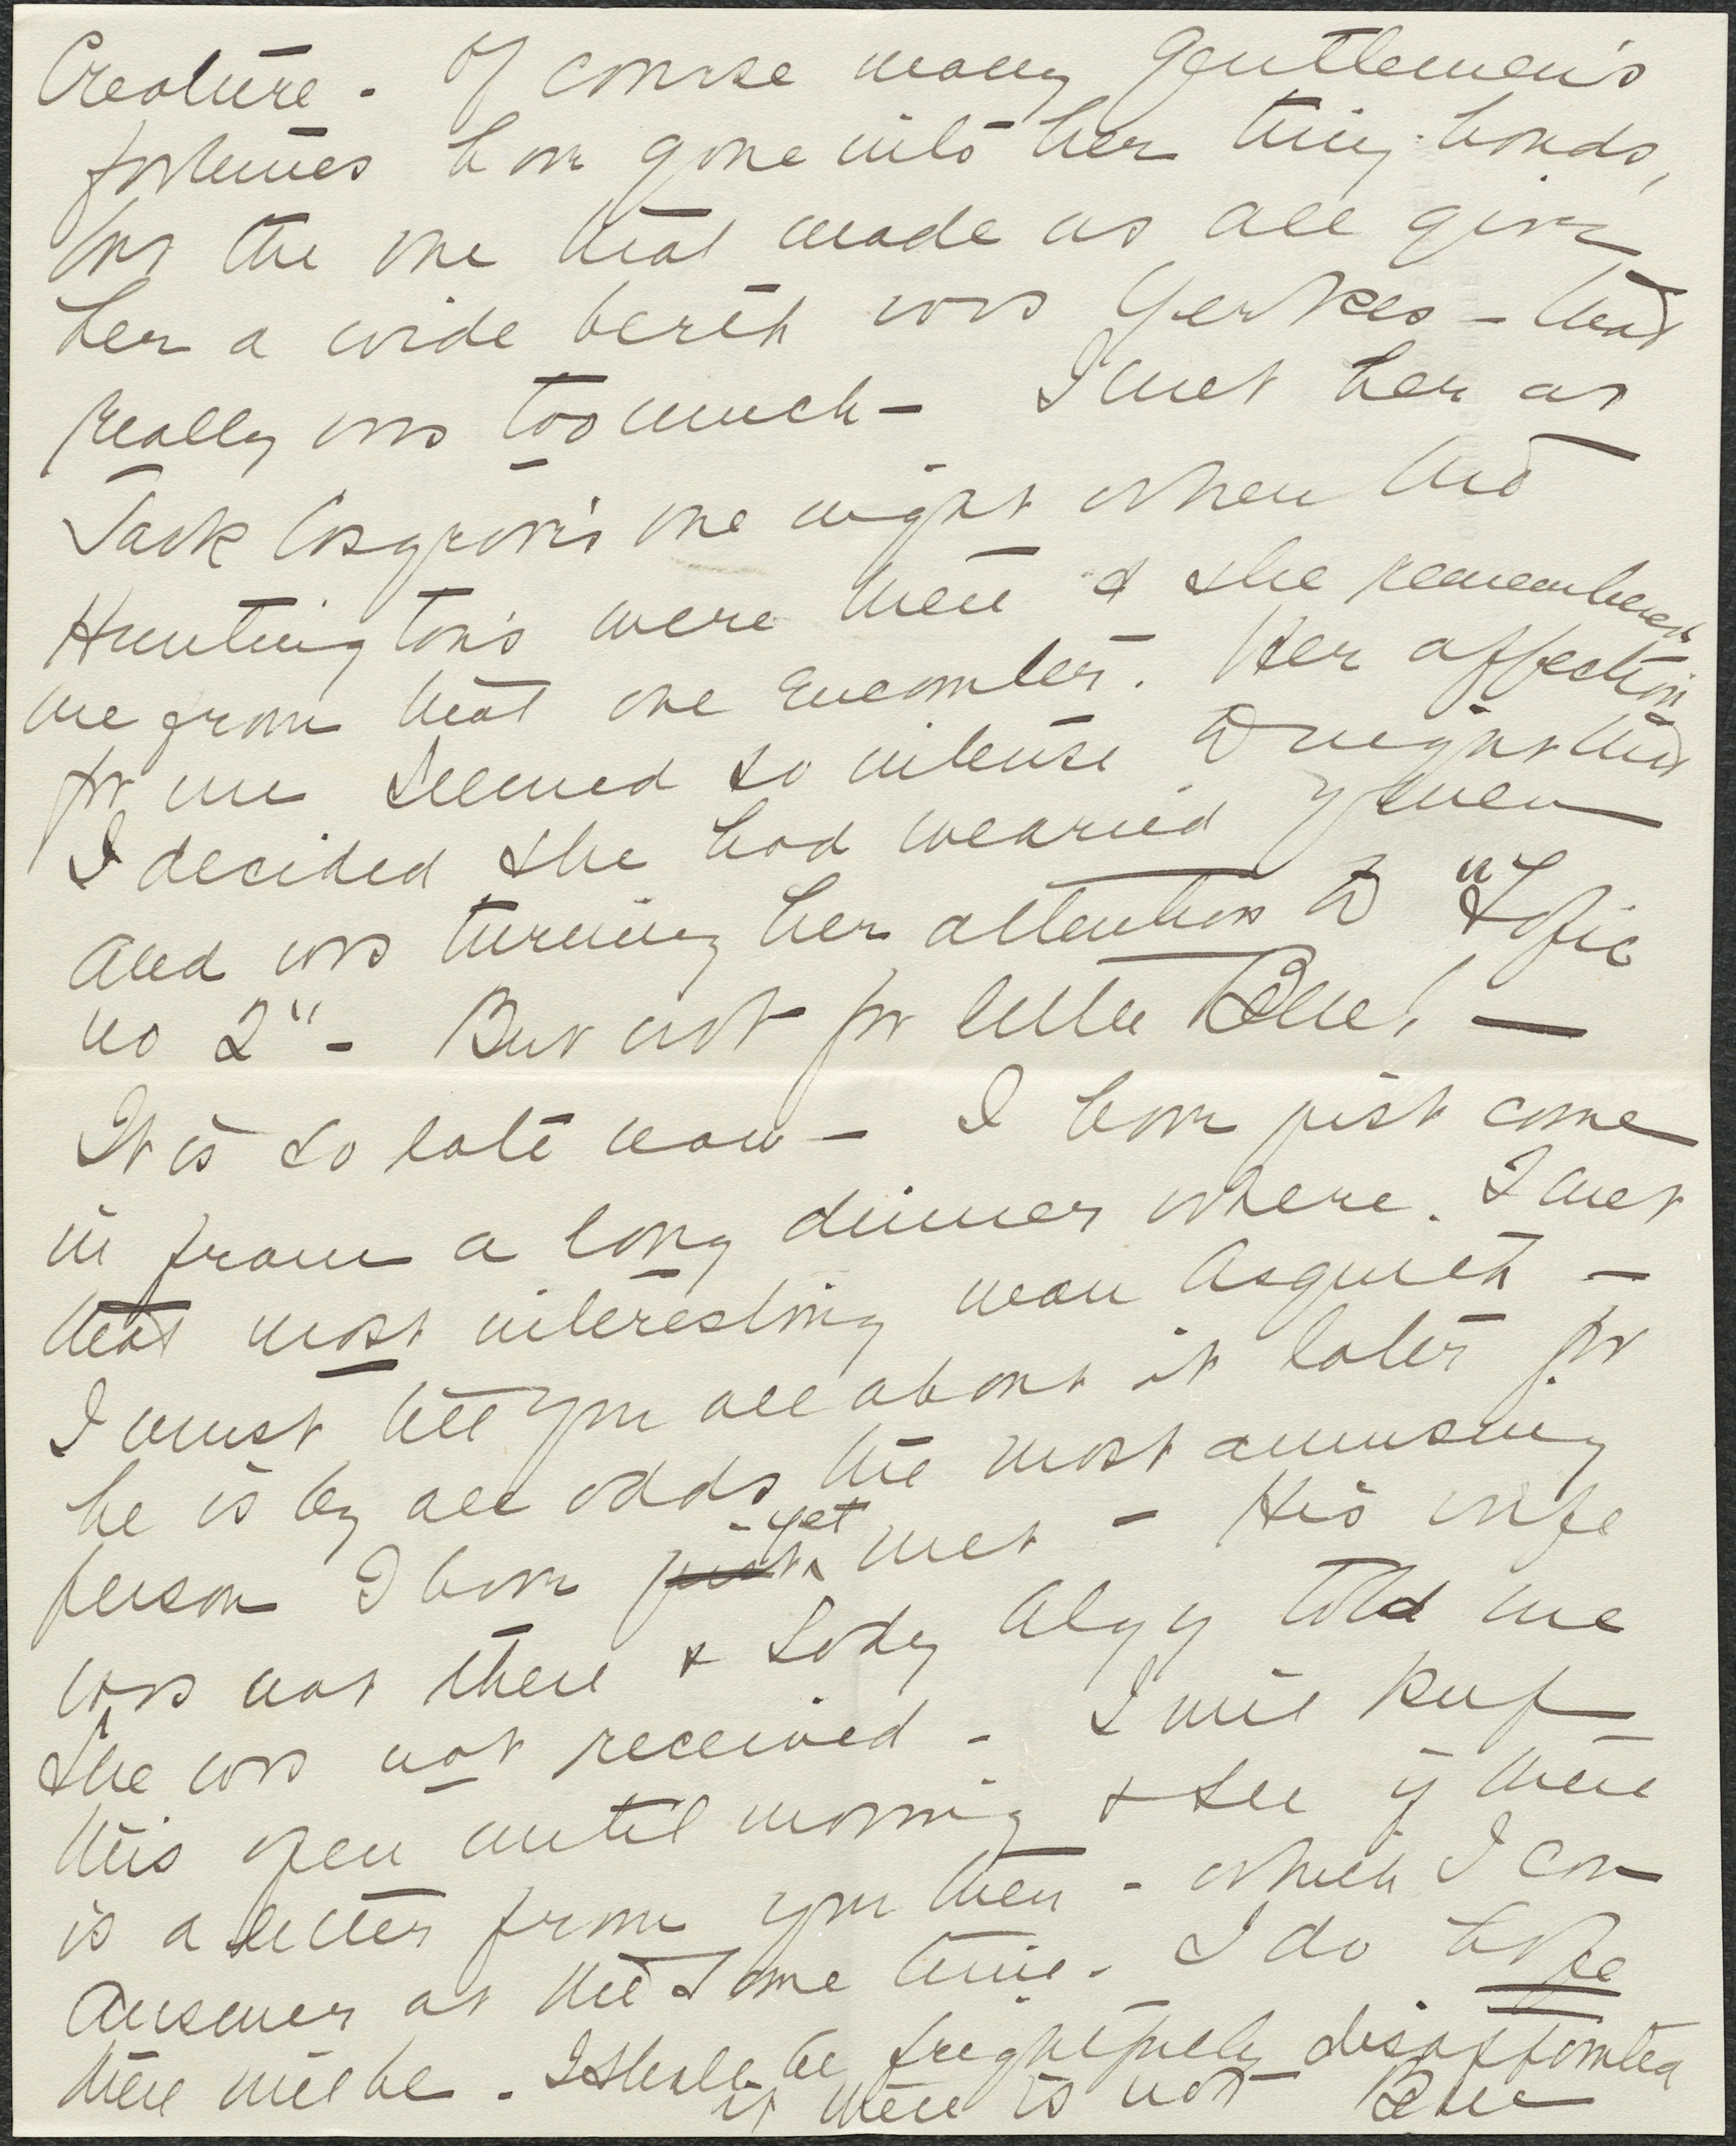creature – of course many gentlemen’s fortunes have gone into her tiny hands, but the one that made us all give her a wide berth was Yerkes – that really was too much – I met her at Jack Morgan’s one night when the Huntington’s were there & she remembered me from that one encounter. Her affection for me seemed so intense tonight that I decided she had wearied of men and was turning her attention to “Topic no 2” – But not for little Belle! – It is so late now – I have just come in from a long dinner where I met that most interesting man Asquith – I must tell you all about it later for he is by all odds the most amusing person I have just [ˆyetˆ] met – His wife was not there & Lady Algy told me she was not received – I will keep this open until morning & see if there is a letter from you then – which I can answer at the same time – I do [double underlined: hope] there will be – I should be frightfully disappointed if there is not
Belle